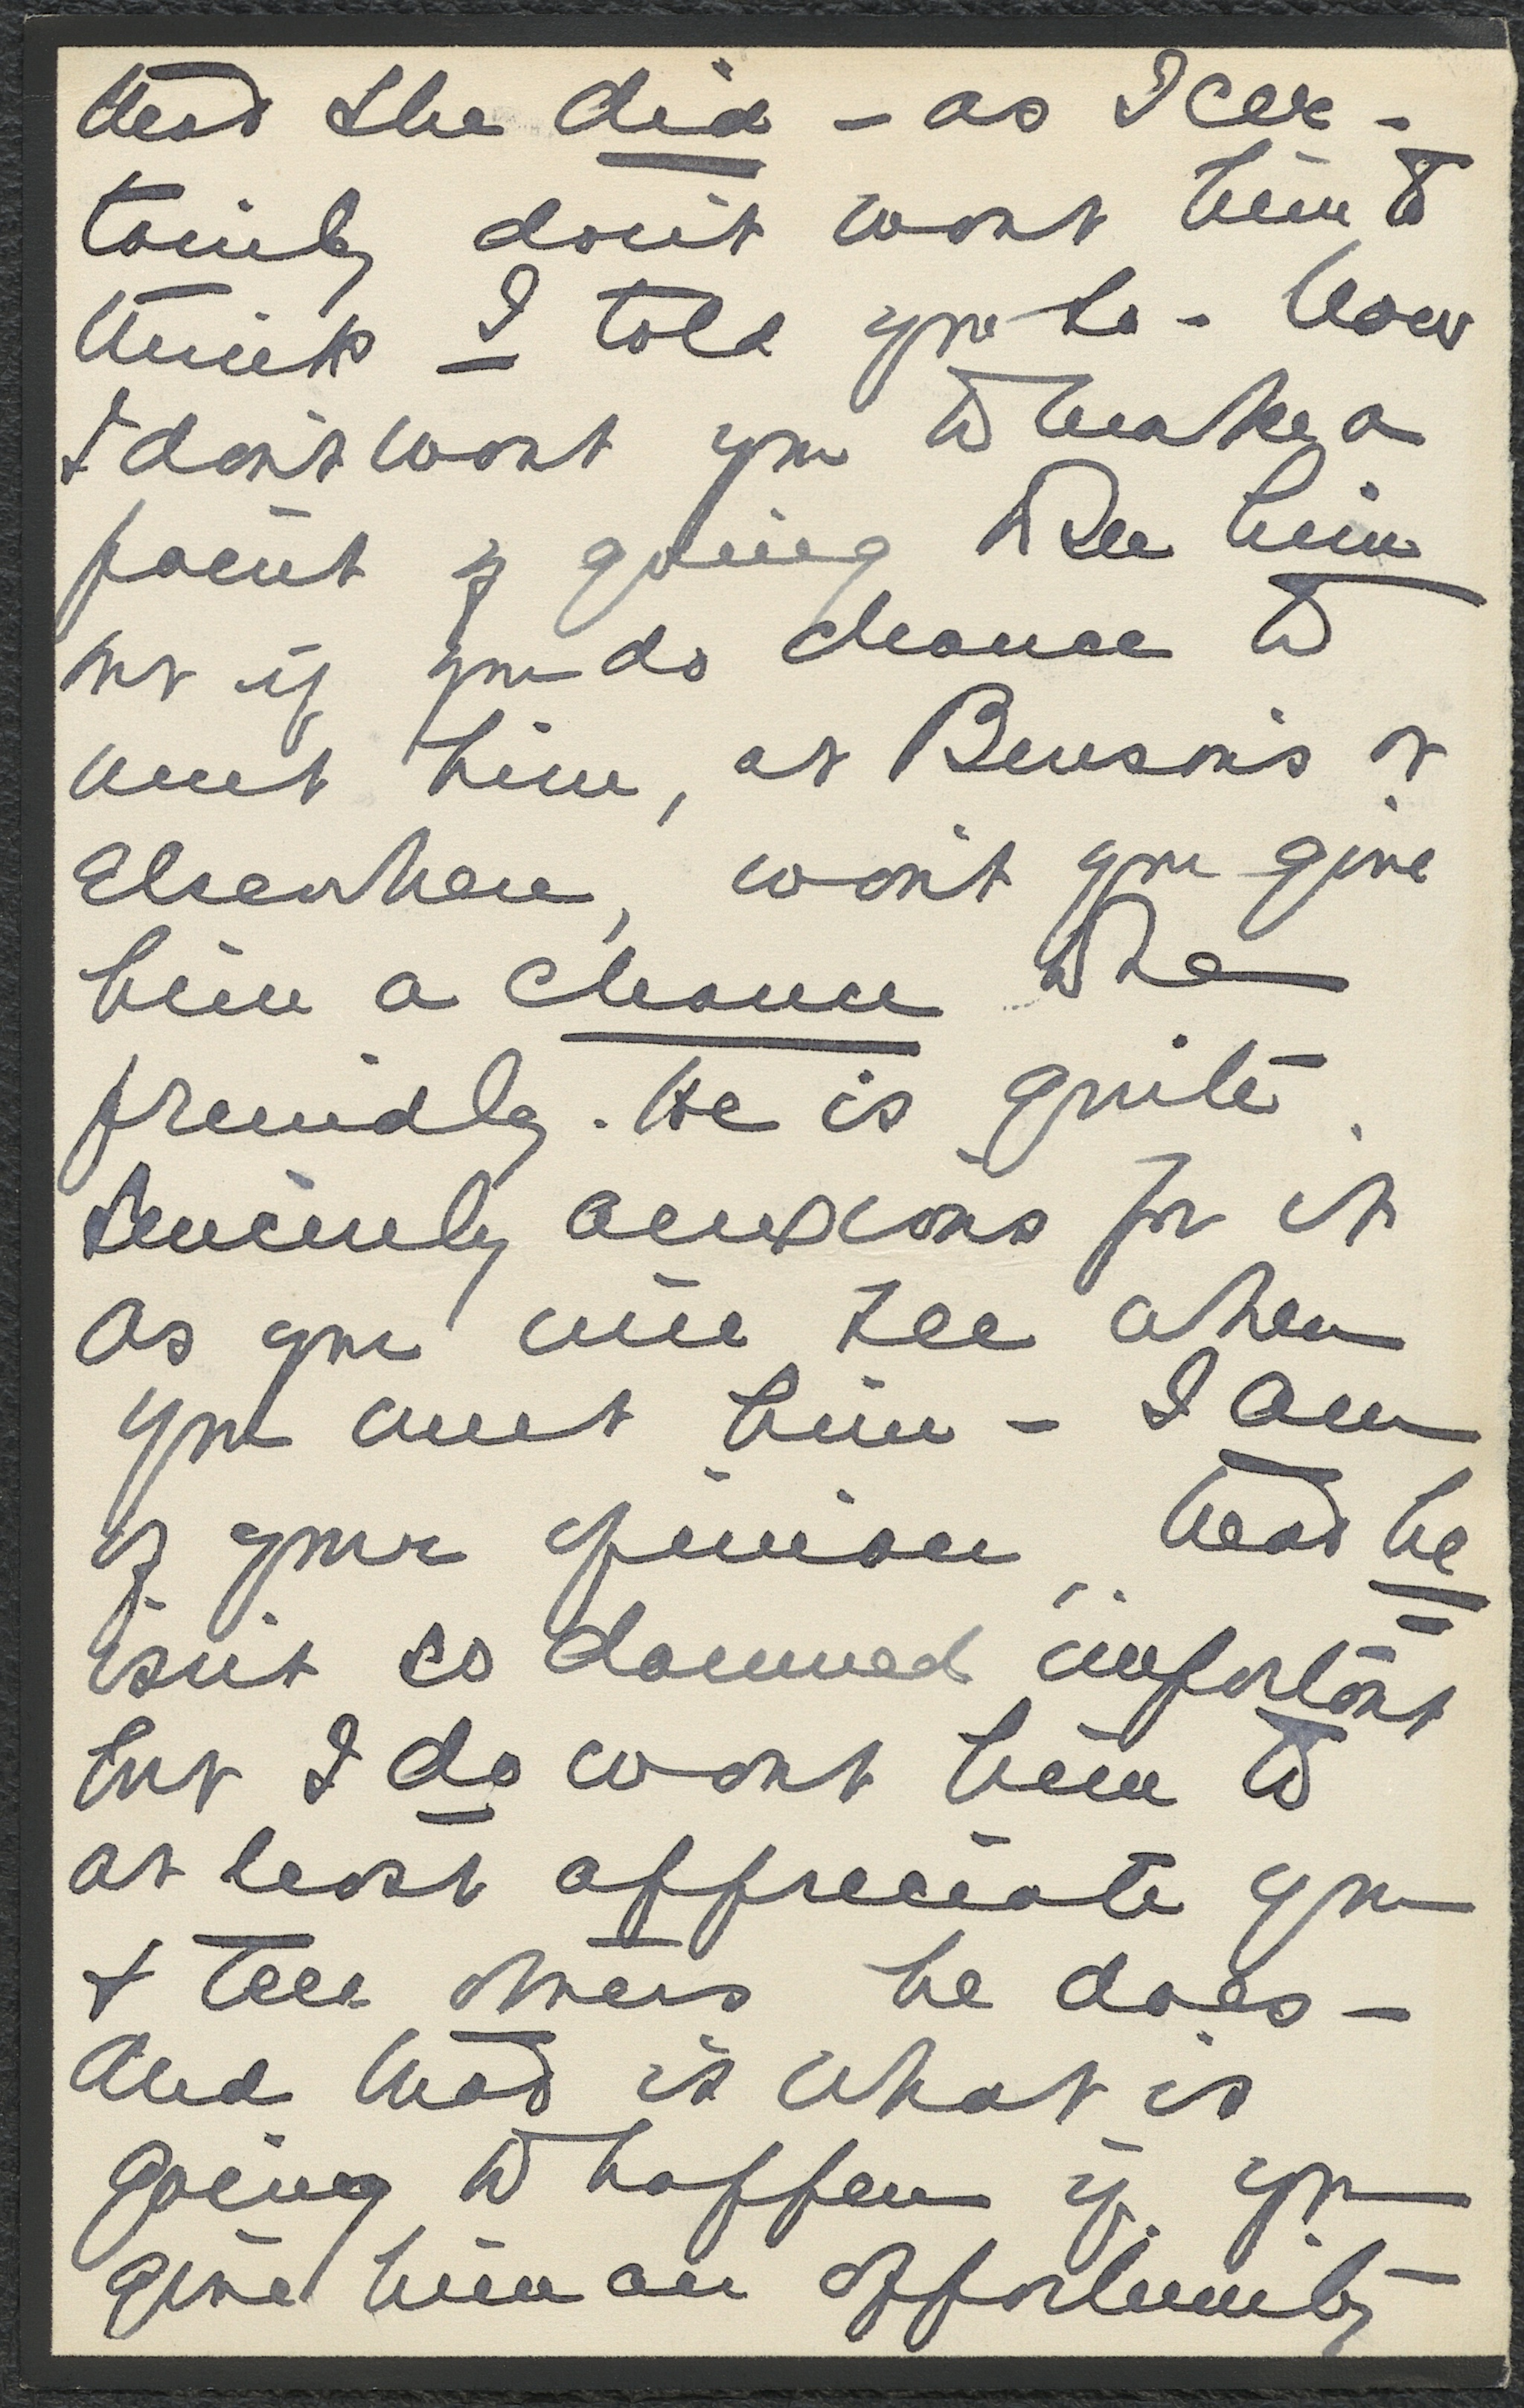that she did – as I certainly don’t want him to think I told you so – Now I don’t want you to make a point of going to see him but if you do chance to meet him, at Benson's or elsewhere, won't you give him a chance to be friendly. He is quite sincerely anxious for it as you will see when you meet him – I am of your opinion, that [double underlined: he] isn’t so damned important but I do want him to at least appreciate you & tell others he does – And that is what is going to happen if you give him an opportunity